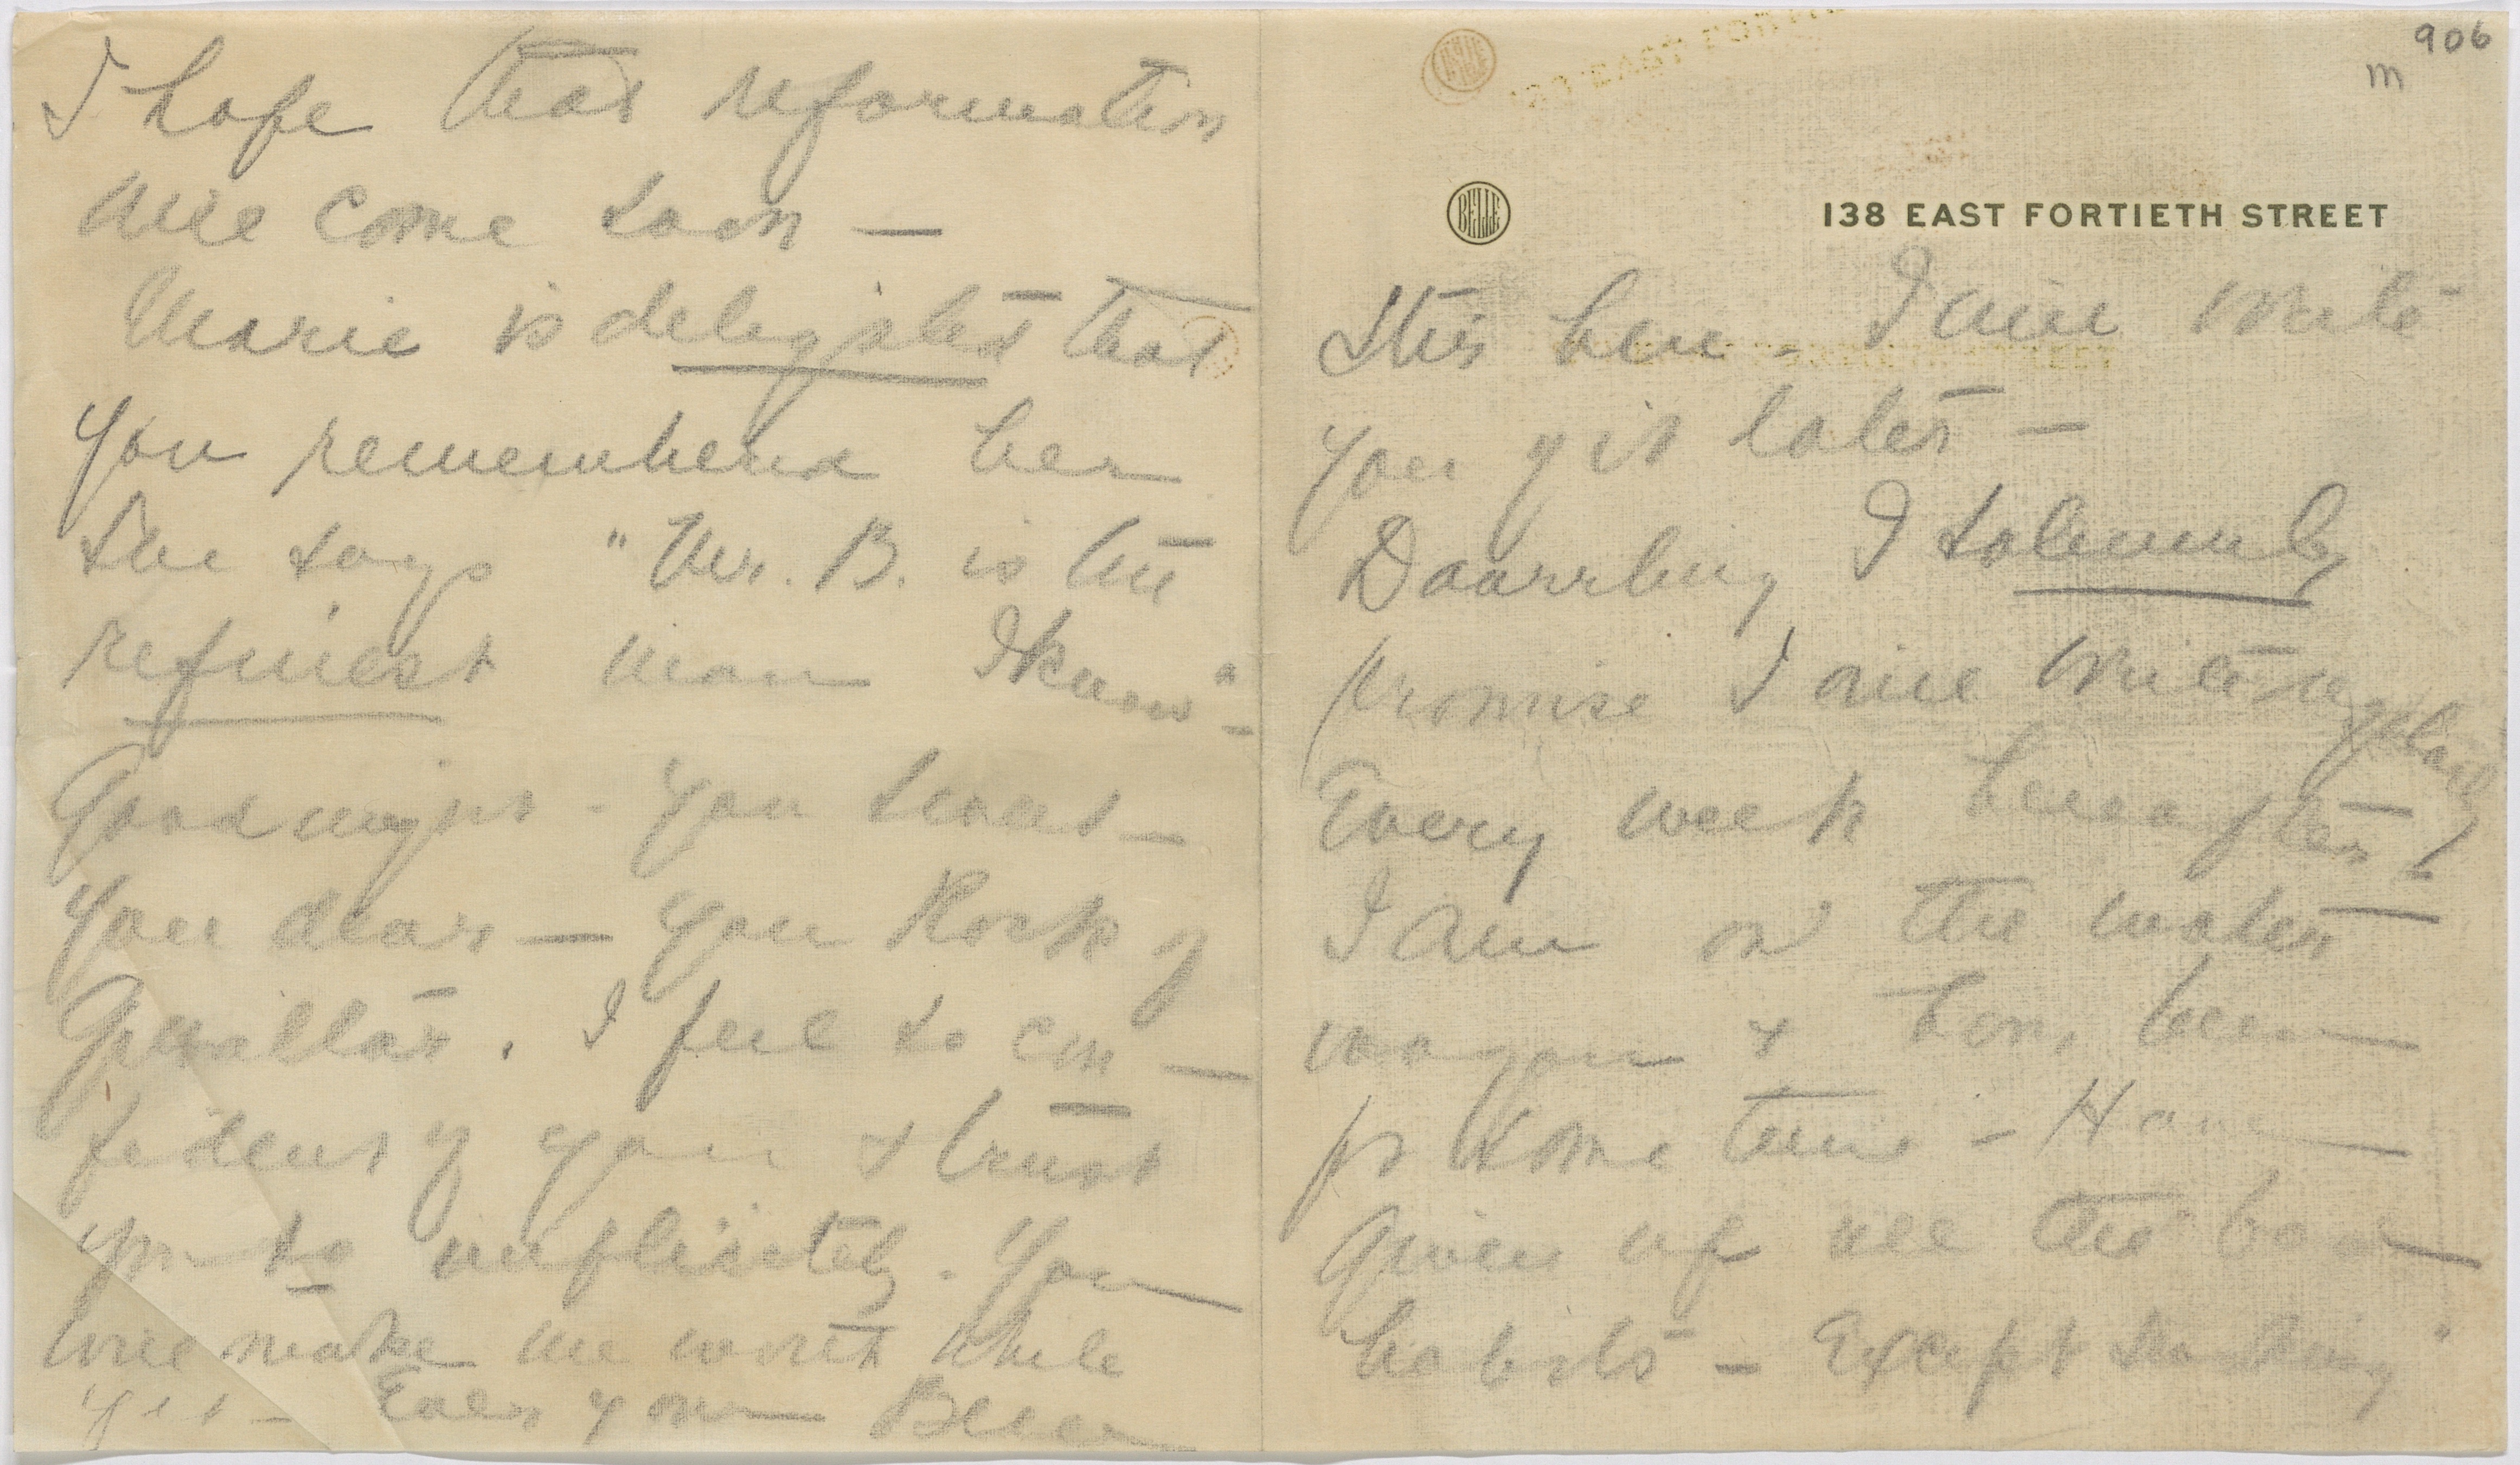stir here – I will write you of it later –
Daarrling I solemnly promise I will write regularly every week hereafter – I am on the water wagon & have been for some time – Have given up all the bad habits – except smoking
I hope that reformation will come soon –
Marie is delighted that you remembered her she says “Mr. B. is the refinist man I know” –
Goodnight you sweet– you dear – you Rock of Gibraltar. I feel so confident of you & trust you so implicitly. You will make me worth while yet – Ever your Belle